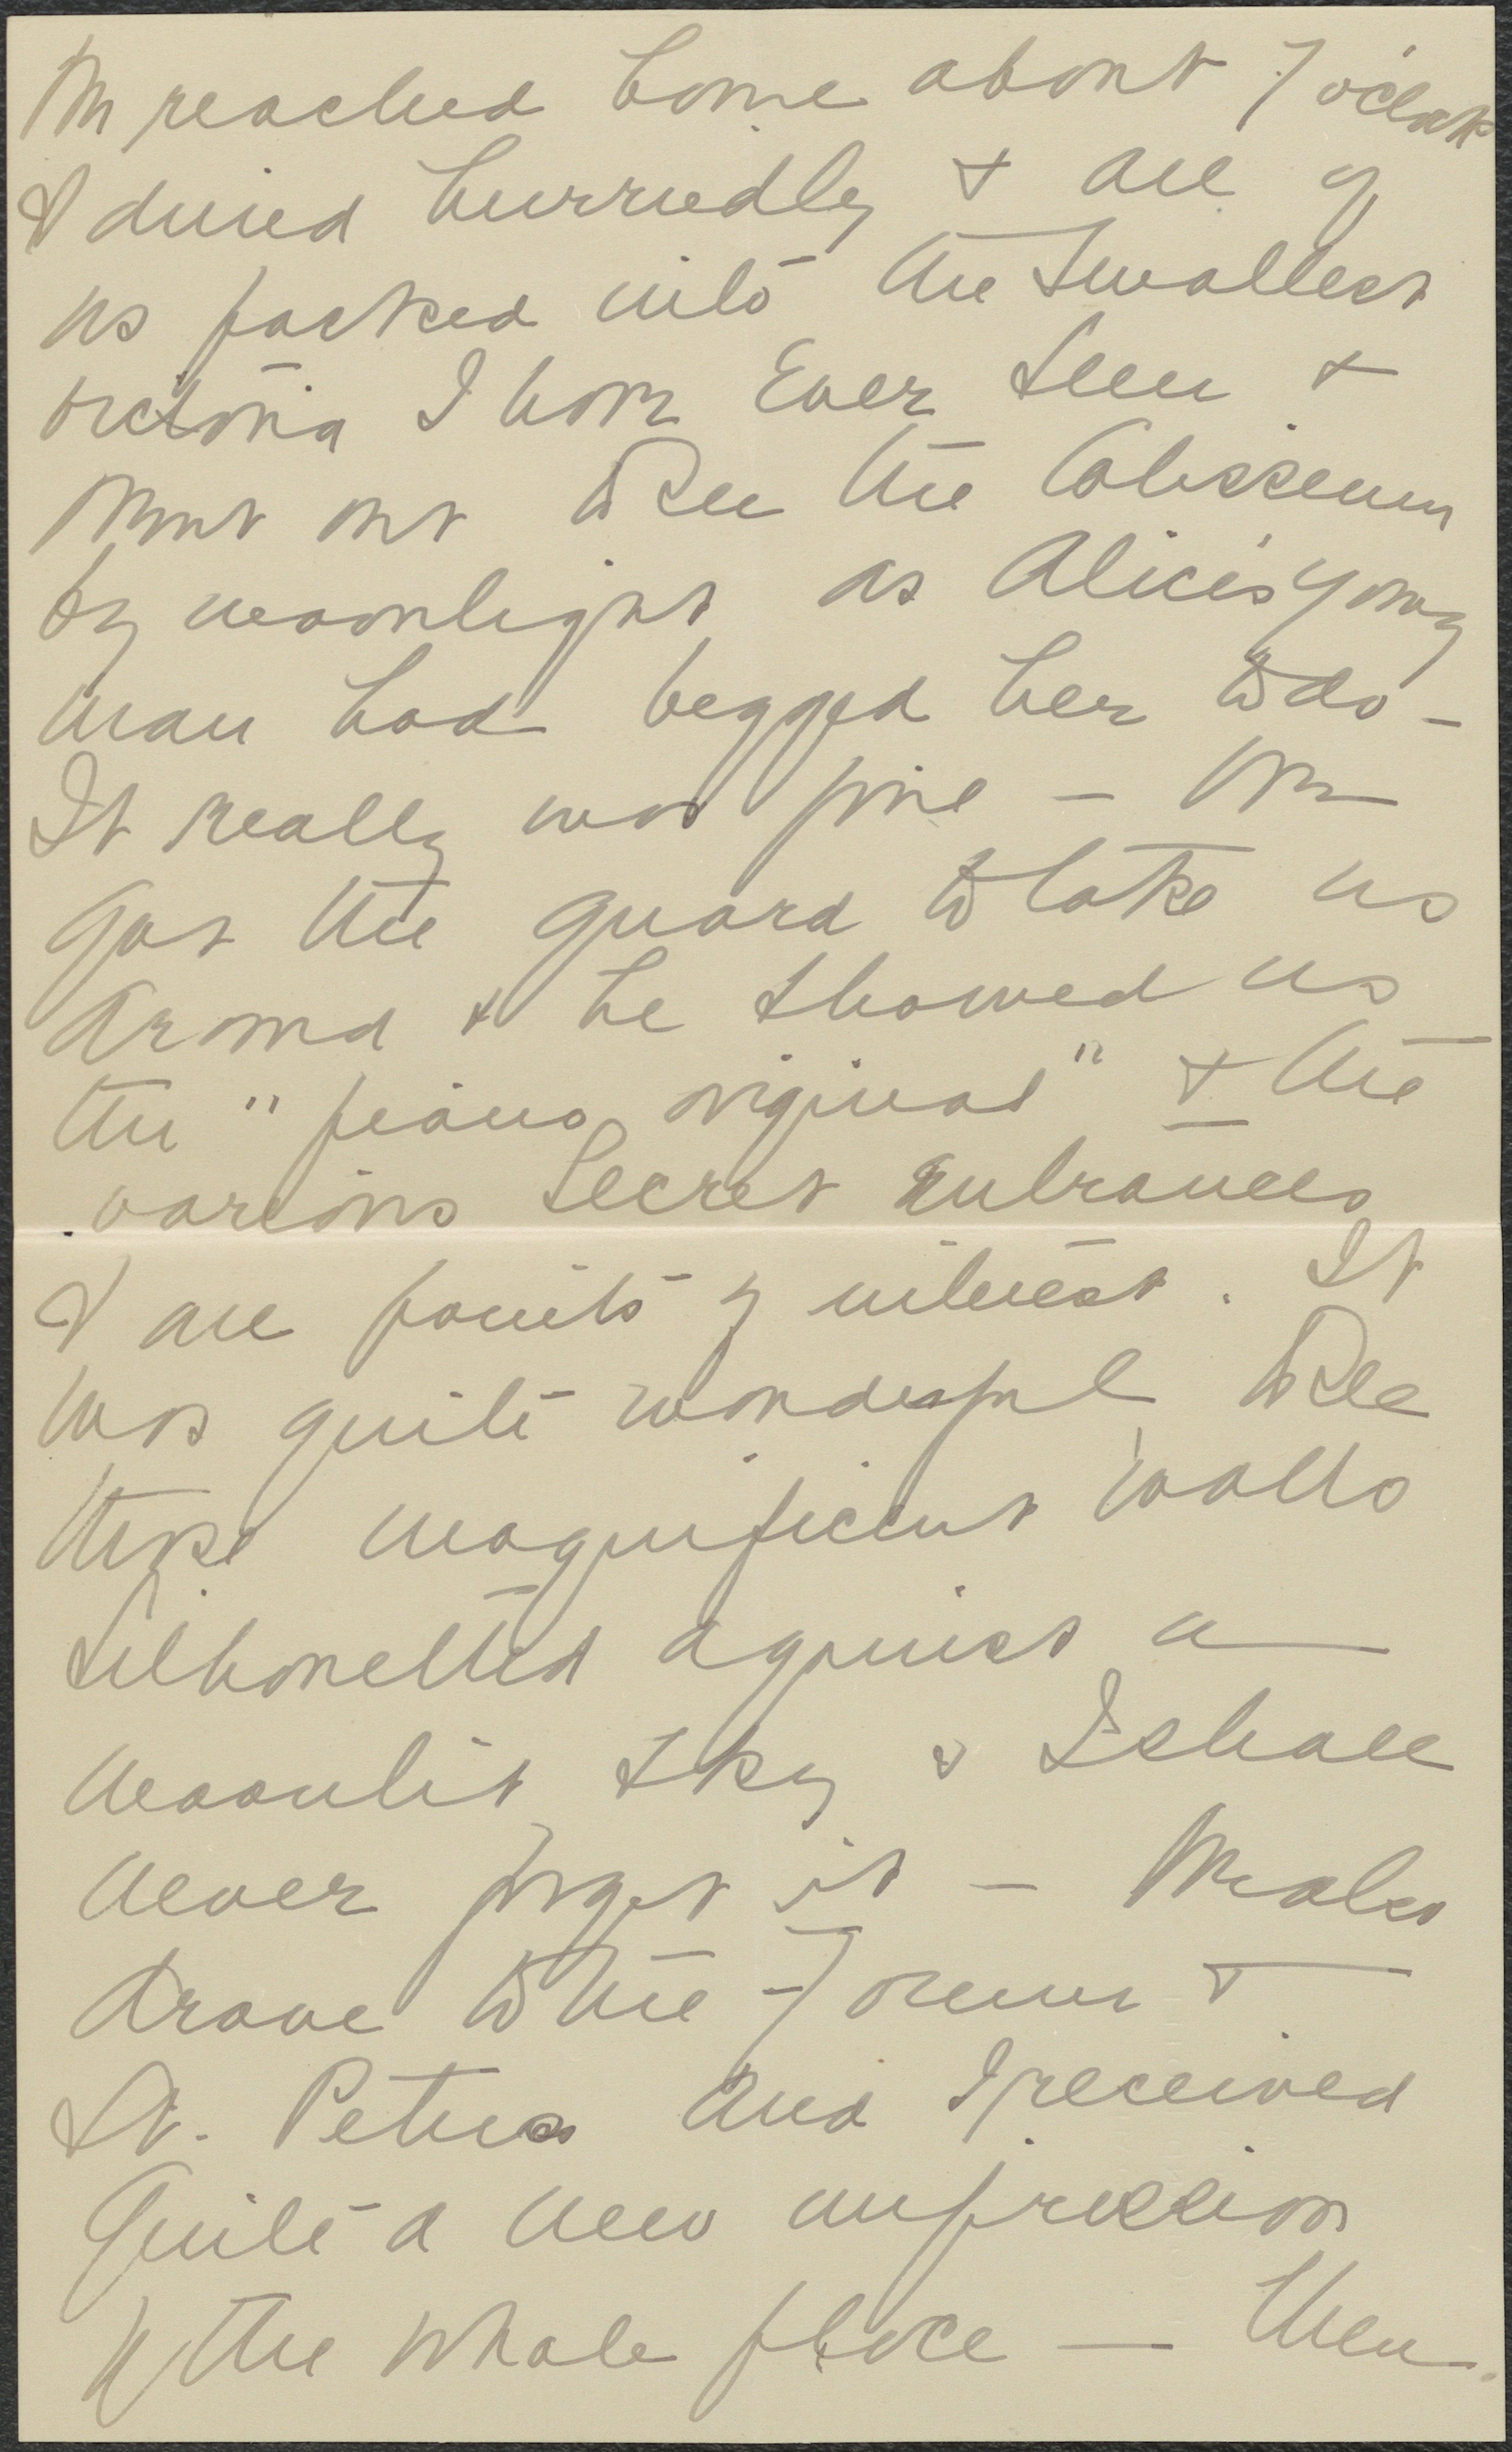We reached home about 7 o’clock & dined hurriedly & all of us packed into the smallest victoria I have ever seen & went out to see the Colisseum [sic] by moonlight as Alice’s young man had begged her to do – It really was fine – We got the guard to take us around & he showed us the “piano original” & the various Secret entrances & all points of interest. It was quite wonderful to see those magnificent walls silhouetted against a moonlit sky & I shall never forget it – We also drove to the Forum & St. Peters and I received quite a new impression of the whole place – Then